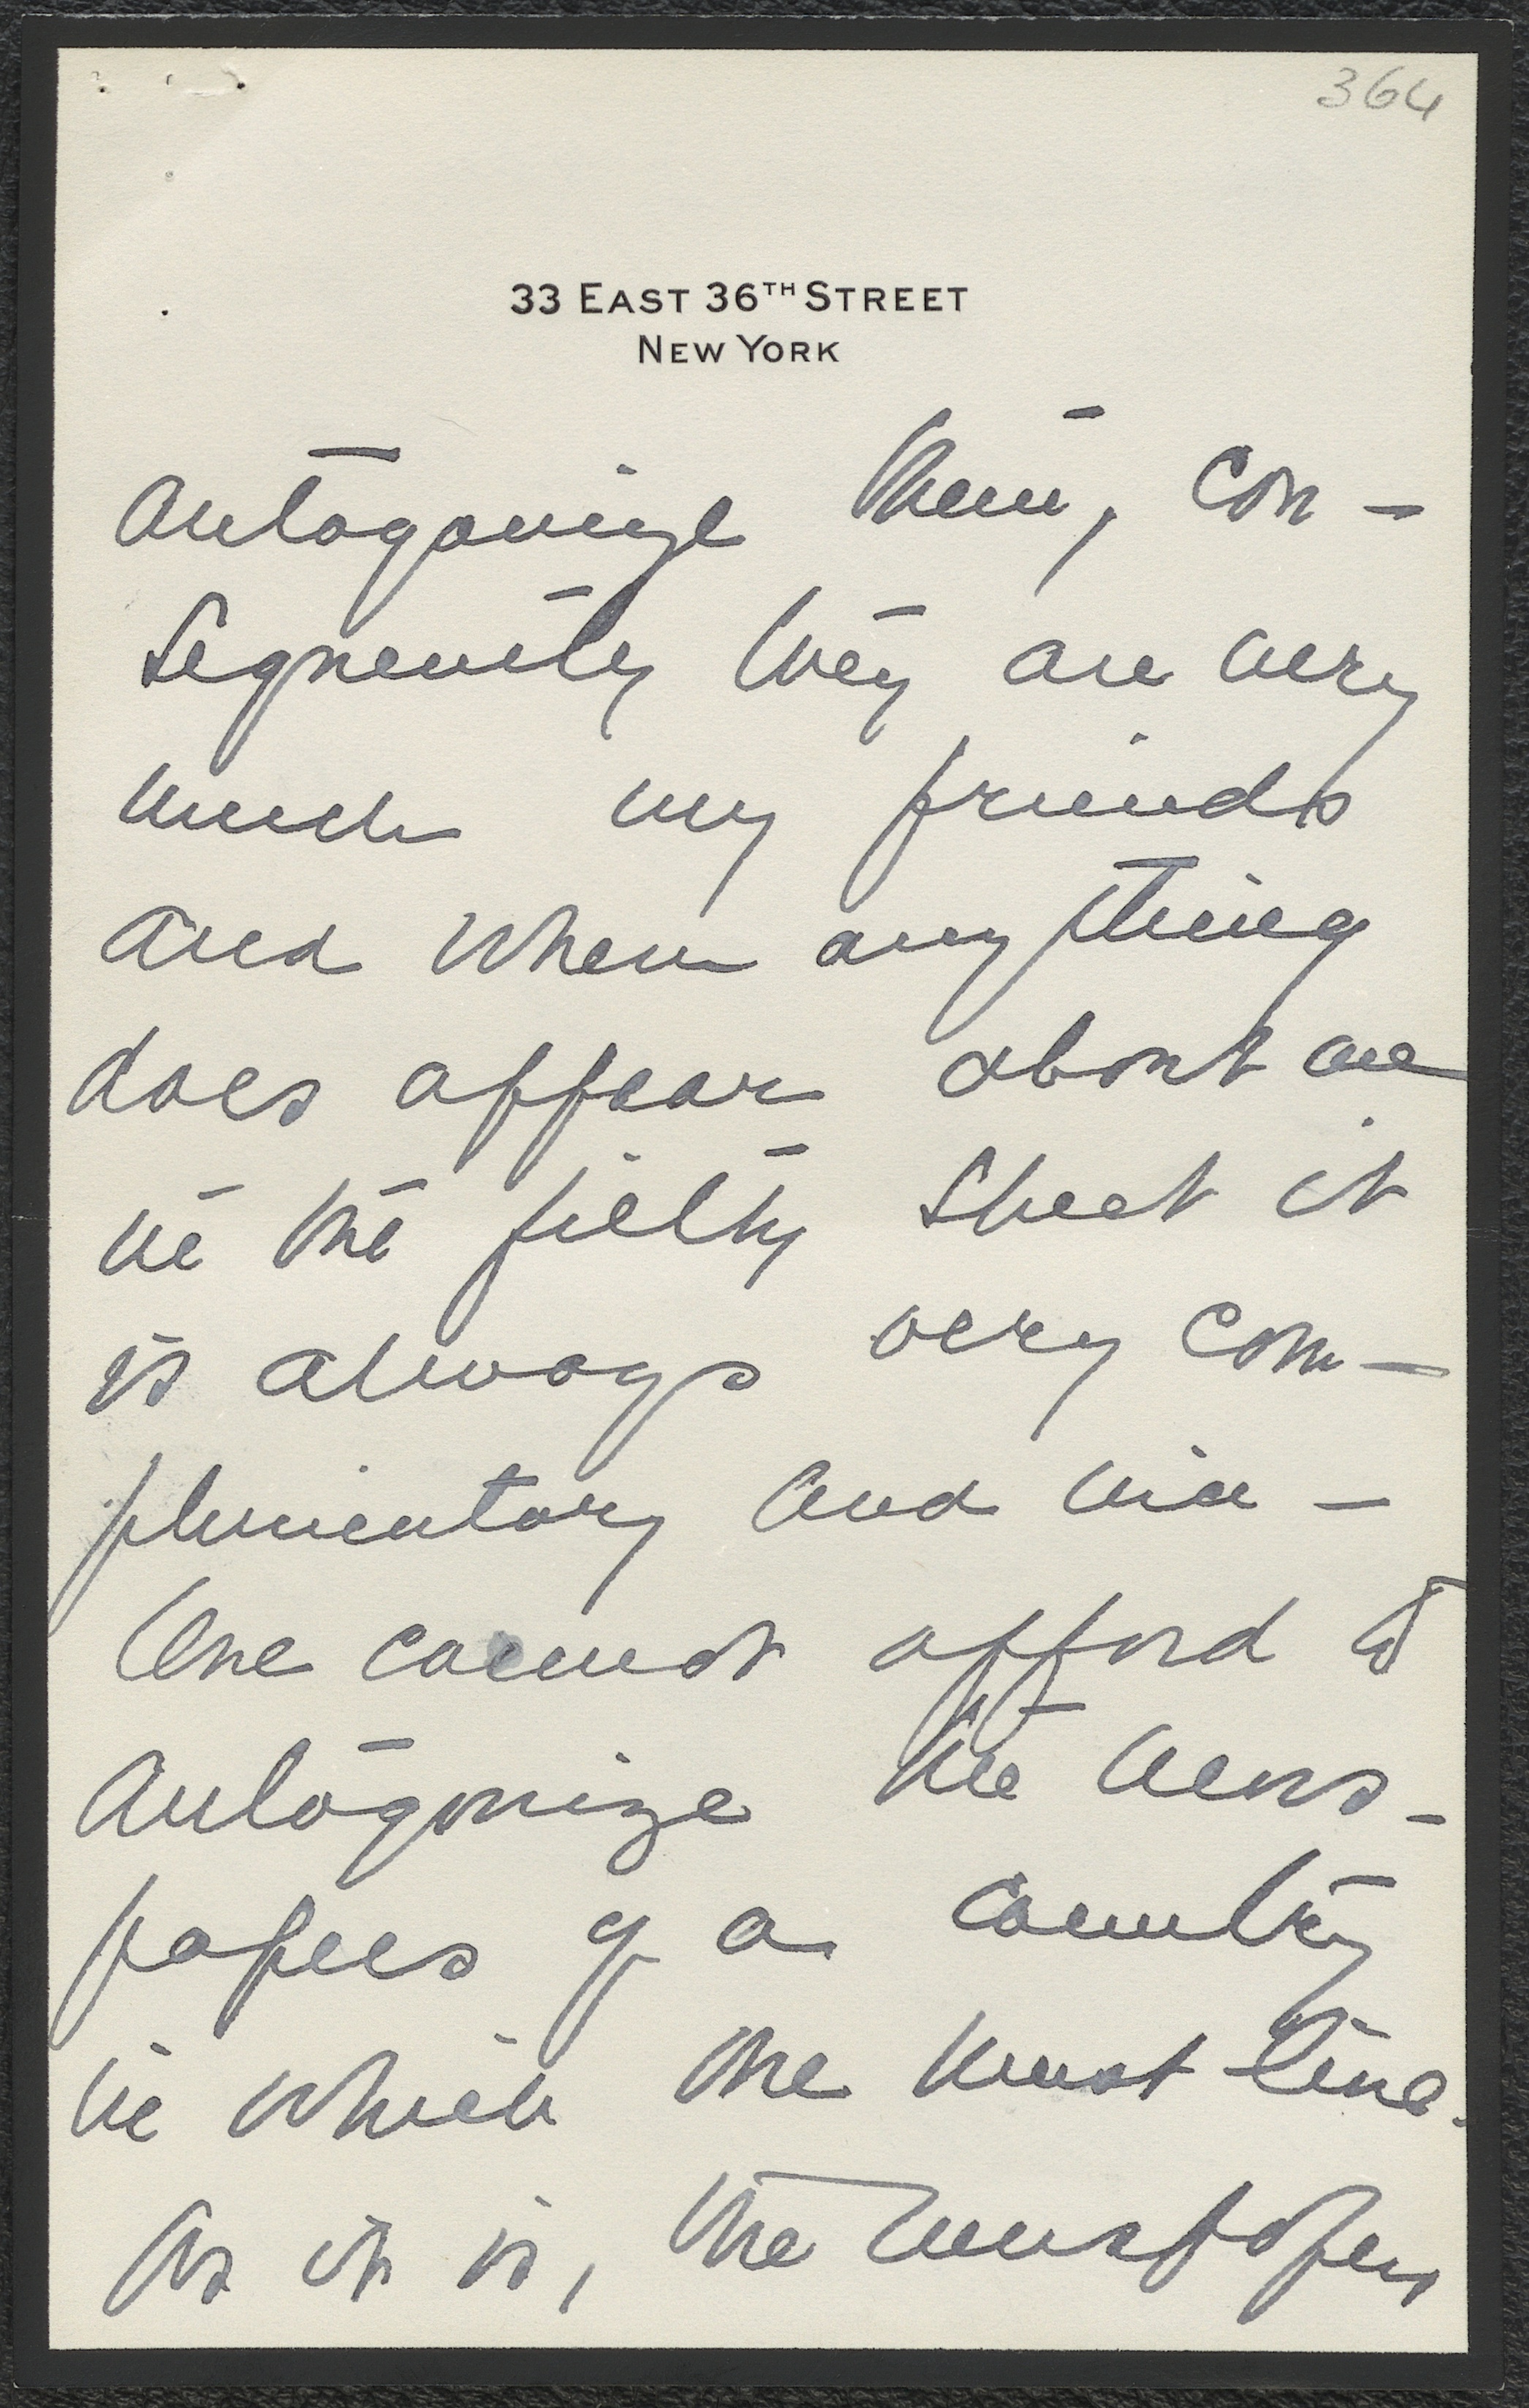antagonize them, consequently they are very much my friends and when any thing does appear about me in the filthy sheet it is always very complimentary and nice –
One cannot afford to antagonize the newspapers of a country in which one must live – As it is, the newspapers